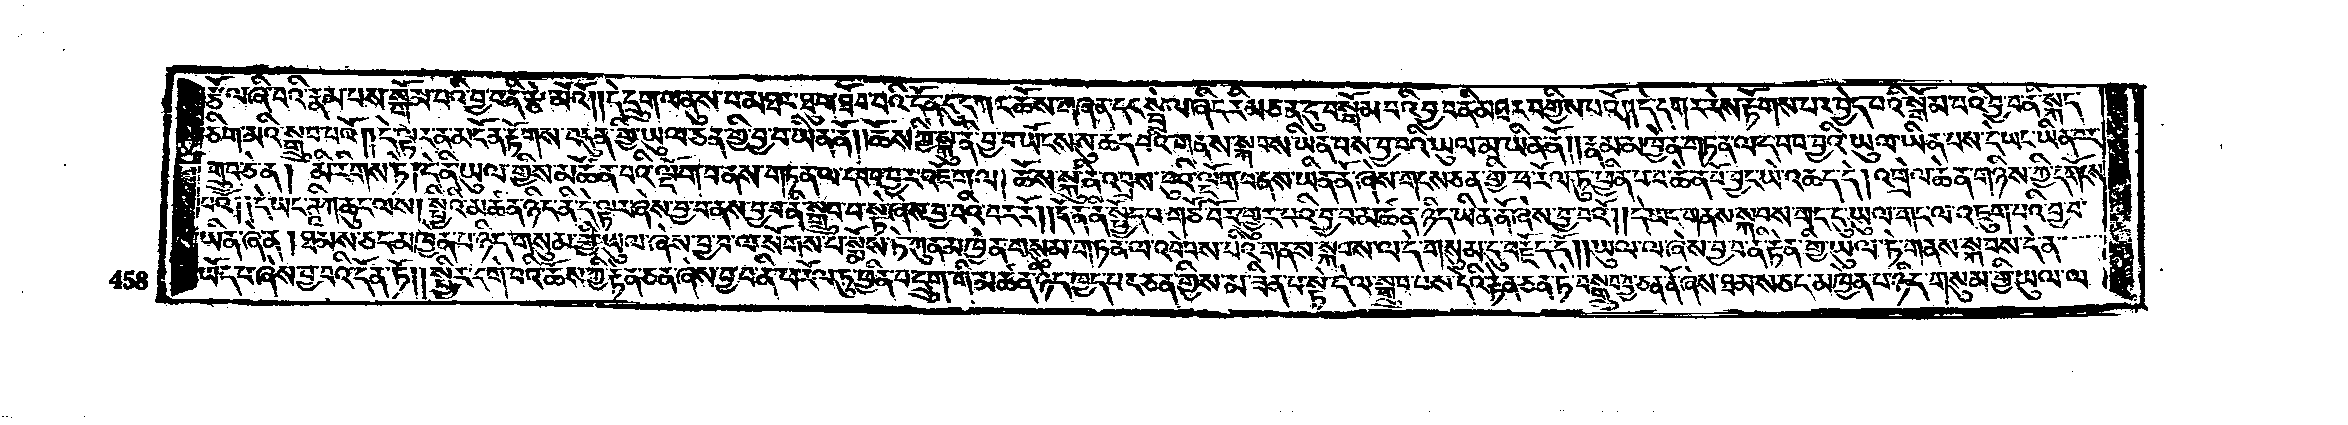རྩོལ་ཞི་བའི་རྣམ་པས་སྒོམ་པའི་བྱ་བ་ནི་རྩེ་མོའོ། །དེ་དྲུག་ལ་ནུས་པ་མཐར་ཐུག་ཐོབ་པའི་དོན་དུ་དཀར་ཆོས་གཞན་དང་སྤྲེལ་ཞིང་རིམ་ཅན་དུ་བསྒོམ་པའི་བྱ་བ་ནི་མཐར་བགྱིས་པའོ། །དེ་དག་རེ་རེས་རྟོགས་པར་བྱེད་པའི་སྒོམ་པའི་བྱ་བ་ནི་སྐད་
ཅིག་མའི་སྒྲུབ་པའོ། །དེ་ལྟར་ན་མངོན་རྟོགས་བདུན་གྱི་ཡུལ་ཅན་གྱི་བྱ་བ་ཡིན་ནོ། །ཆོས་ཀྱི་སྐུ་ནི་བྱ་བ་ཡོངས་སུ་ཆད་པའི་གནས་སྐབས་ཡིན་པས་བྱ་བའི་ཡུལ་མ་ཡིན་ནོ། །རྣམ་མཁྱེན་གཏན་ལ་དབབ་བྱའི་ཡུལ་ཡིན་པས་དེ་ཡང་ཡིན་པར་
གྲུབ་ཅེ་ན། མི་རིགས་ཏེ། དེ་ནི་ཡུལ་གྱིས་མཚོན་པའི་ལྡོག་པ་ནས་གཏན་ལ་དབབ་བྱར་འཇོག་ལ། ཆོས་སྐུ་ནི་འབྲས་བུའི་ལྡོག་པ་ནས་ཡིན་ནོ་ཞེས་གངས་ཅན་གྱི་ཕ་རོལ་ཏུ་ཕྱིན་པ་བ་ཆེན་པོ་བྱང་ཡེ་འཆད་དེ། འགྲེལ་ཆེན་གཉིས་ཀྱི་དགོངས་
པའོ། །དེ་ཡང་ཊཱིཀ་ཆུང་ལས། སྤྱིའི་མཚན་ཉིད་ནི་དེ་ལྟར་ཞེས་བྱ་བ་ནས་བྱ་བ་ནི་སྒྲུབ་པ་སྟེ་ཞེས་བྱ་བའི་བར་རོ། །དོན་ནི་སྤྱོད་པ་གཙོ་བོར་གྱུར་པའི་བྱ་བ་མཚན་ཉིད་ཡིན་ནོ་ཞེས་བྱ་བའོ། །དེ་ཡང་གནས་སྐབས་གང་དུ་ཡུལ་གང་ལ་འཇུག་པའི་བྱ་བ་
ཡིན་ཞེ་ན། ཐམས་ཅད་མཁྱེན་པ་ཉིད་གསུམ་གྱི་ཡུལ་ཞེས་བྱ་བ་ལ་སོགས་པ་སྨོས་ཏེ་ཀུན་མཁྱེན་གསུམ་གཏན་ལ་འབེབས་པའི་གནས་སྐབས་ལ་དེ་གསུམ་དུ་བརྗོད་དོ། །ཡུལ་ལ་ཞེས་བྱ་བ་ནི་རྟེན་གྱི་ཡུལ་ཏེ་གནས་སྐབས་དེ་ན་
ཡོད་པ་ཞེས་བྱ་བའི་དོན་ཏོ། །སྤྱིར་དགེ་བའི་ཆོས་ཀྱི་རྟེན་ཅན་ཞེས་བྱ་བ་ནི་ཕ་རོལ་ཏུ་ཕྱིན་པ་དྲུག་གི་མཚན་ཉིད་ཁྱད་པར་ཅན་གྱིས་མ་ཟིན་པ་སྟེ་དེ་ལ་སྒྲུབ་པས་དེའི་རྟེན་ཅན་ཏེ་བསྒྲུབ་བྱ་ཅན་ནོ་ཞེས་ཐམས་ཅད་མཁྱེན་པ་ཉིད་གསུམ་གྱི་ཡུལ་ལ་